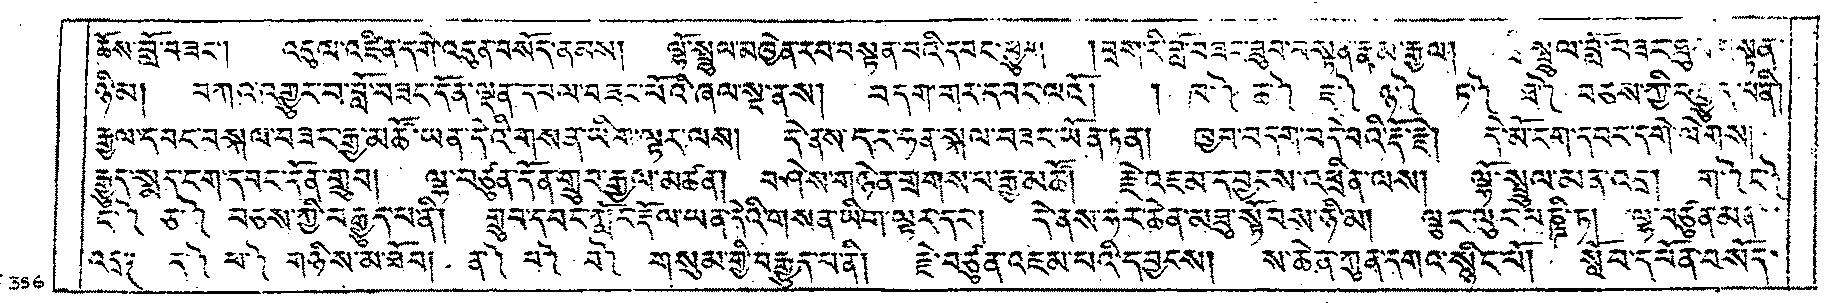ཆོས་བློ་བཟང་། འདུལ་འཛིན་དགེ་འདུན་བསོད་ནམས། ལྷོ་སྤྲུལ་མཁྱེན་རབ་བསྟན་པའི་དབང་ཕྱུག །བྲག་རི་བློ་བཟང་ཐུབ་བསྟན་རྣམ་རྒྱལ། ཁྲི་སྤྲུལ་བློ་བཟང་ཐུབ་བསྟན་
ཉི་མ། བཀའ་འགྱུར་བ་བློ་བཟང་དོན་ལྡན་དཔལ་བཟང་པོའི་ཞལ་སྔ་ནས། བདག་གར་དབང་ལའོ། །ཁ྄་ཆ྄་ཇ྄་ཉ྄་ཏ྄་ཐ྄་བཅས་ཀྱི་བརྒྱུད་པ་ནི།
རྒྱལ་དབང་བསྐལ་བཟང་རྒྱ་མཚོ་ཡན་དེའི་གསན་ཡིག་ལྟར་ལས། དེ་ནས་དར་ཧན་སྐལ་བཟང་ཡོན་ཏན། ཁྱབ་བདག་བདེ་བའི་རྡོ་རྗེ། དེ་མོ་ངག་དབང་དགེ་ལེགས།
རྒྱུད་སྨད་ངག་དབང་དོན་གྲུབ། ལྷ་བཙུན་དོན་གྲུབ་རྒྱལ་མཚན། བཤེས་གཉེན་གྲགས་པ་རྒྱ་མཚོ། རྗེ་འཇམ་དབྱངས་འཕྲིན་ལས། ལྷོ་སྤྲུལ་མན་འདྲ། ག྄་ང྄
ང྄་ཅ྄་བཅས་ཀྱི་བརྒྱུད་པ་ནི། གྲུབ་དབང་ཀློང་རྡོལ་ཡན་དེའི་གསན་ཡིག་ལྟར་དང་། དེ་ནས་ཧར་ཆེན་མཐུ་སྟོབས་ཉི་མ། ལྕང་ལུང་པཎྜི་ཏ། ལྷ་བཙུན་མན་
འདྲ༑ ད྄་ཕ྄་གཉིས་མ་ཐོབ། ན྄་པ྄་བ྄་གསུམ་གྱི་བརྒྱུད་པ་ནི། རྗེ་བཙུན་འཇམ་པའི་དབྱངས། ས་ཆེན་ཀུན་དགའ་སྙིང་པོ། སློབ་དཔོན་བསོད་